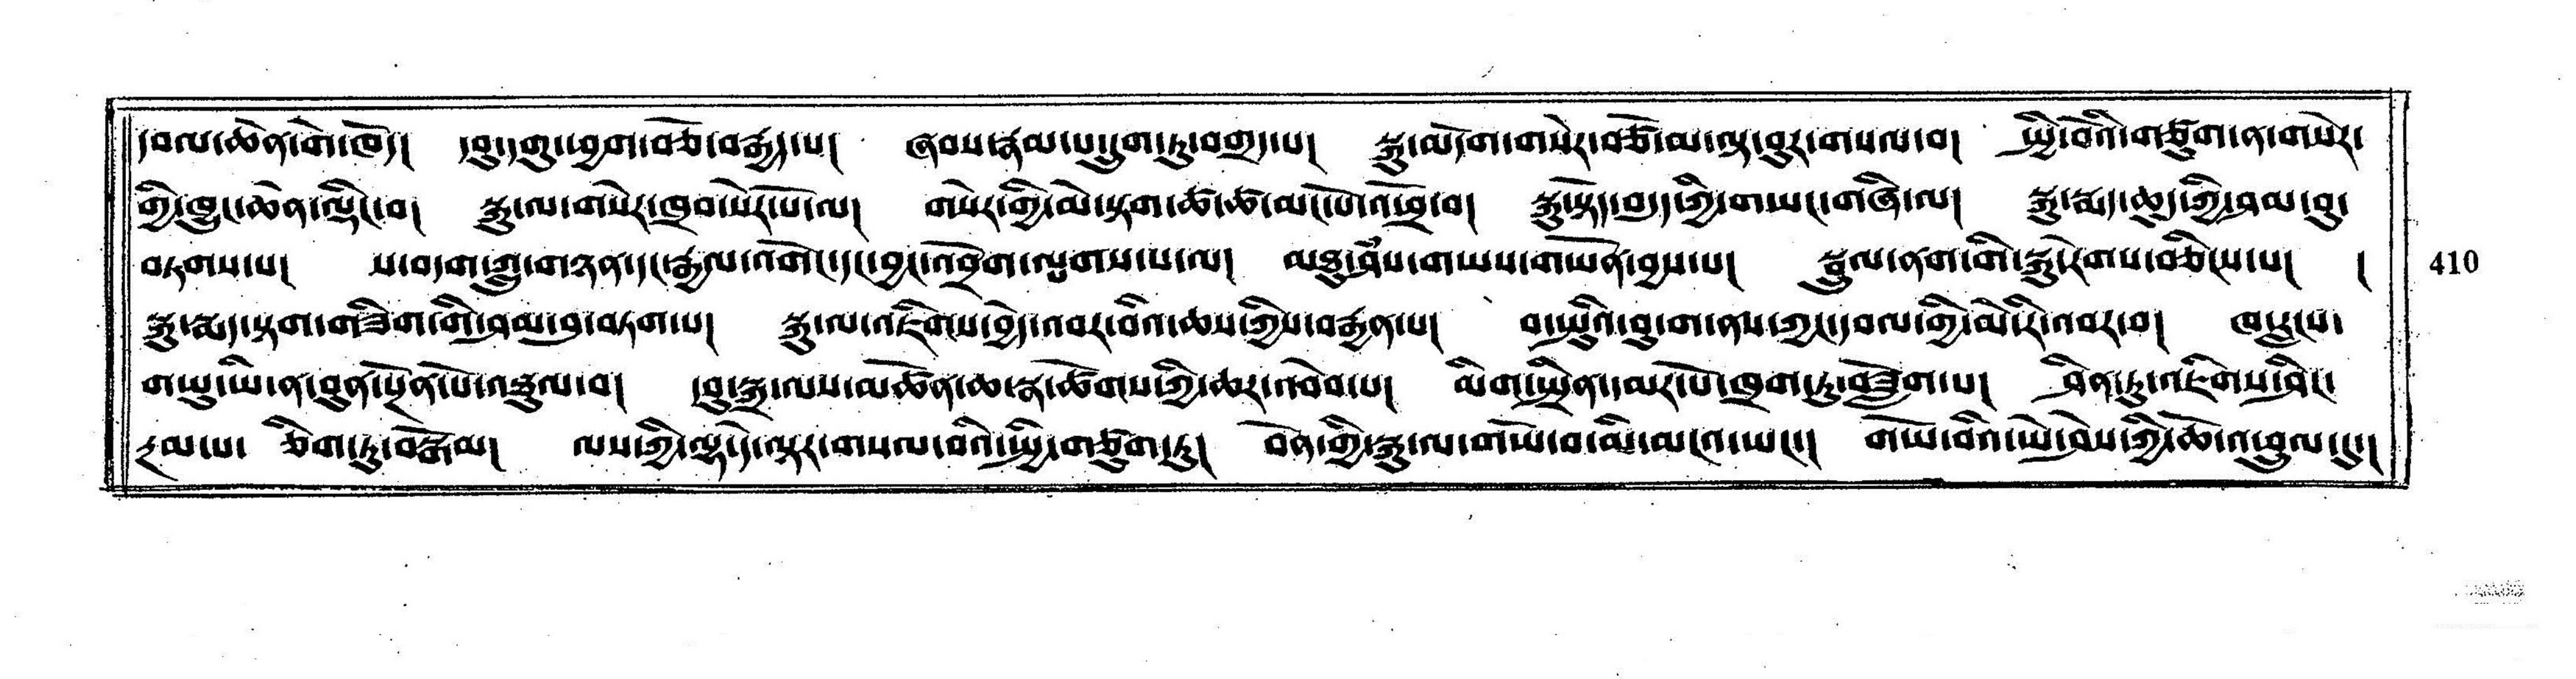དབལ་ཆེན་གེ་ཁོད། དབུ་དགུ་ཕྱག་བཅོ་བརྒྱད་པ། ཞབས་རྣམ་པ་དྲུག་ཏུ་བགྲད་པ། སྐུ་མདོག་གསེར་བཙོ་མ་ལྟ་བུར་གསལ་བ། སྤྱི་བོའི་གཙུག་ན་གསེར་
གྱི་ཁྱུང་ཆེན་ལྡིང་བ། སྐུ་ལ་གསེར་ཁྲབ་སེར་པོ་ལ། གསེར་གྱི་མེ་སྟག་ཚ་ཚ་མང་པོ་འཕྲོ་བ། སྐུ་སྟོད་བདུད་ཀྱི་གཡང་གཞི་ལ། སྐུ་སྨད་ཆུད་ཀྱི་ཤམ་བུ་
བཏགས་པ། ས་བདག་ཀླུ་གཉན་དང་རྒྱལ་འགོང་དང་བྱང་འབྲོག་ལྤགས་པ་ལ། མཐུ་ཤམས་གཡས་གཡོན་བྱས་པ། སྦྲུལ་ནག་གི་སྐུ་རེགས་བཅིངས་པ། 
སྐུ་སྨད་སྟག་གཟིག་གི་ཤམ་བུ་བཏག་པ། སྐུ་ལ་འཇིགས་བྱེད་འབར་བའི་ཆས་ཀྱིས་བརྒྱན་པ།། བ་སྤུའི་བུ་ག་ནས་ཀྱང་དབལ་གྱི་མེ་རི་འབར་བ། ཁ་རླངས་
གཡུ་ཡི་ན་བུན་སྔོན་པོ་འཐུལ་བ། དབུ་སྐྲ་ལས་མཚོན་ཆ་སྣ་ཚོགས་ཀྱི་ཆར་འབེབ་པ། མིག་སྤྲིན་དམར་པོ་ཁྲག་ཏུ་བཟློག་པ། ཤིན་ཏུ་འཇིགས་ཤིང་
རྔམ་པ་ཅིག་ཏུ་བསྒོམ། ལས་ཀྱི་ལྷ་དེ་ལྟར་དུ་གསལ་བའི་སྤྱི་གཙུག་ཏུ། བོན་གྱི་སྐུ་ལ་གཡོ་བ་མི་མངའ་ཡང་། གཡོ་{421}བའི་ཡེ་ཤེས་ཀྱི་ཆོ་འཕྲུལ་དུ།